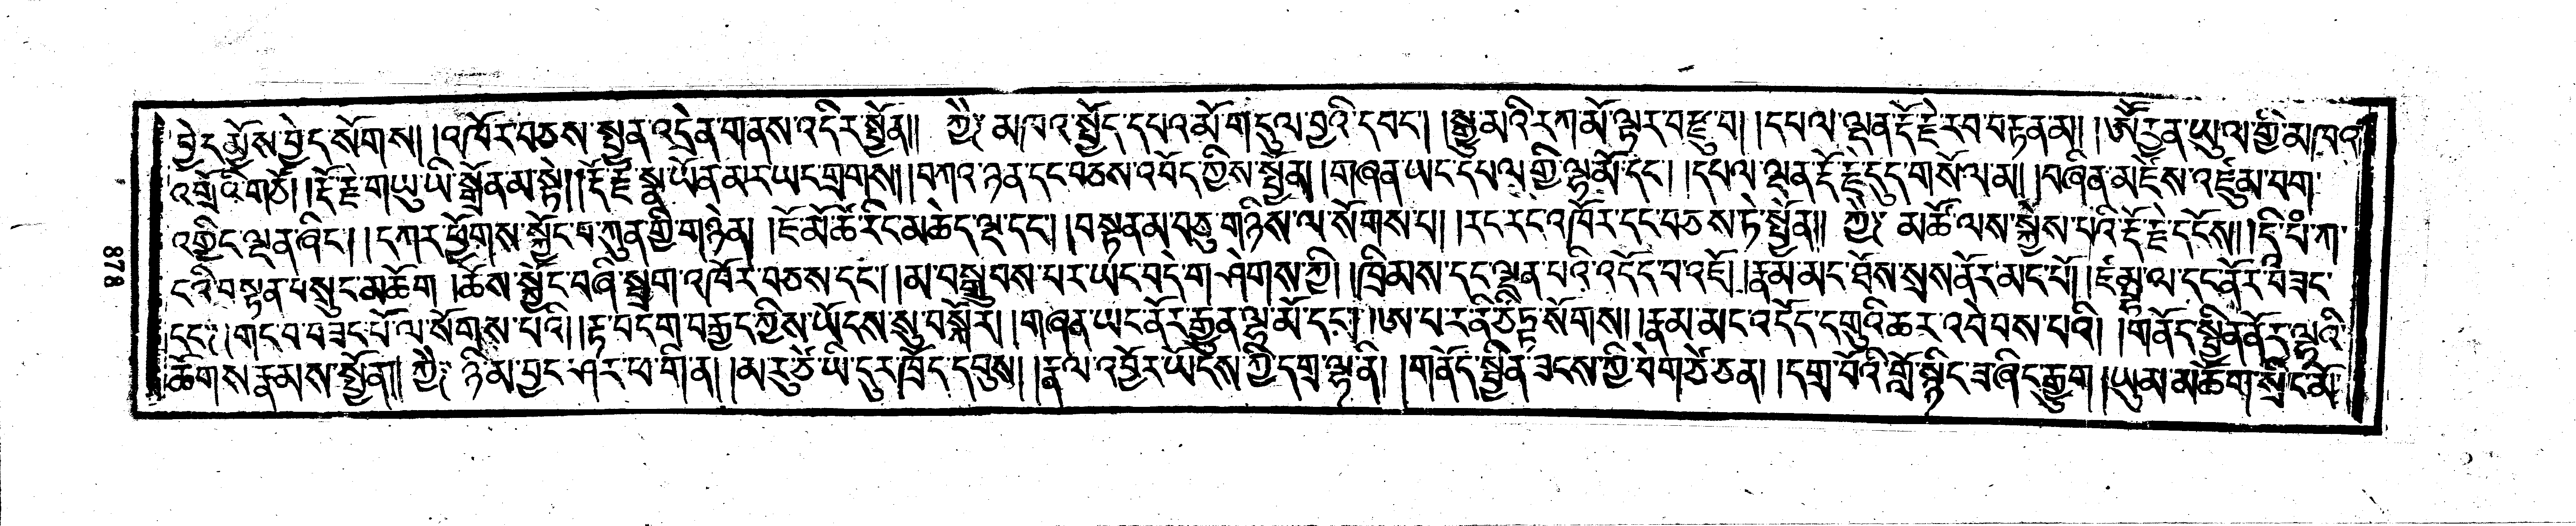བྱེད་མྱོས་བྱེད་སོགས། །འཁོར་བཅས་སྤྱན་འདྲེན་གནས་འདིར་སྤྱོན།། ཀྱཻ༑ མཁའ་སྤྱོད་དཔའ་མོ་གདུལ་བྱའི་དབང་། །སྒྱུ་མའི་རཀ་མོ་ལྟར་བརྫུ་བ། །དཔལ་ལྡན་རྡོ་རྗེ་རབ་བརྟན་མ། །ཨོརྱན་ཡུལ་གྱི་མཁའ་
འགྲོའི་གཙོ། །རྡོ་རྗེ་གཡུ་ཡི་སྒྲོན་མ་སྟེ། །རྡོ་རྗེ་སྣ་ཡོན་མར་ཡང་གྲགས། །བཀའ་ཉན་དང་བཅས་འབོད་ཀྱིས་སྤྱོན། །གཞན་ཡང་དཔལ་གྱི་ལྷ་མོ་དང་། །དཔལ་ལྡན་རྡོ་རྗེ་དུད་གསོལ་མ། །བཞིན་མཛེས་འཛུམ་བག་
འགྱིང་ལྡན་ཞིང་། །དཀར་ཕྱོགས་སྐྱོང་བ་ཀུན་གྱི་གཉེན། །ཇོ་མོ་ཚེ་རིང་མཆེད་ལྔ་དང་། །བསྟན་མ་བཅུ་གཉིས་ལ་སོགས་པ། །རང་རང་འཁོར་དང་བཅས་ཏེ་སྤྱོན།། ཀྱཻ༑ མཚོ་ལས་སྐྱེས་པའི་རྡོ་རྗེ་དངོས། །དཱི་པཾ་ཀ་
རའི་བསྟན་བསྲུང་མཆོག །ཆོས་སྐྱོང་བཞི་སྦྲག་འཁོར་བཅས་དང་། །མ་བསྒྲུབས་པར་ཡང་བདེ་གཤེགས་ཀྱི། །ཁྲིམས་དང་ལྡན་པའི་འདོད་པ་འཇོ། །རྣམ་མང་ཐོས་སྲས་ནོར་མང་པོ། །ཛམྦྷ་ལ་དང་ནོར་བཟང་
དང༑ ༑གང་བ་བཟང་པོ་ལ་སོགས་པའི། །རྟ་བདག་བརྒྱད་ཀྱིས་ཡོངས་སུ་བསྐོར། །གཞན་ཡང་ནོར་རྒྱུན་ལྷ་མོ་དང་། །ཨ་པ་ར་ནི་ཙིཏྟ་སོགས། །རྣམ་མང་འདོད་དགུའི་ཆར་འབེབས་པའི། །གནོད་སྦྱིན་ནོར་ལྷའི་
ཚོགས་རྣམས་སྤྱོན།། ཀྱཻ༑ ཉི་མ་བྱང་ཤར་ཕ་གི་ན། །མ་རུ་ཙེ་ཡི་དུར་ཁྲོད་དབུས། །རྣལ་འབྱོར་ཡོངས་ཀྱི་དགྲ་ལྷ་ནི། །གནོད་སྦྱིན་ཟངས་ཀྱི་བེག་ཙེ་ཅན། །དགྲ་བོའི་གློ་སྙིང་ཟ་ཞིང་རྒྱུག །ཡུམ་མཆོག་སྲིང་མོ་